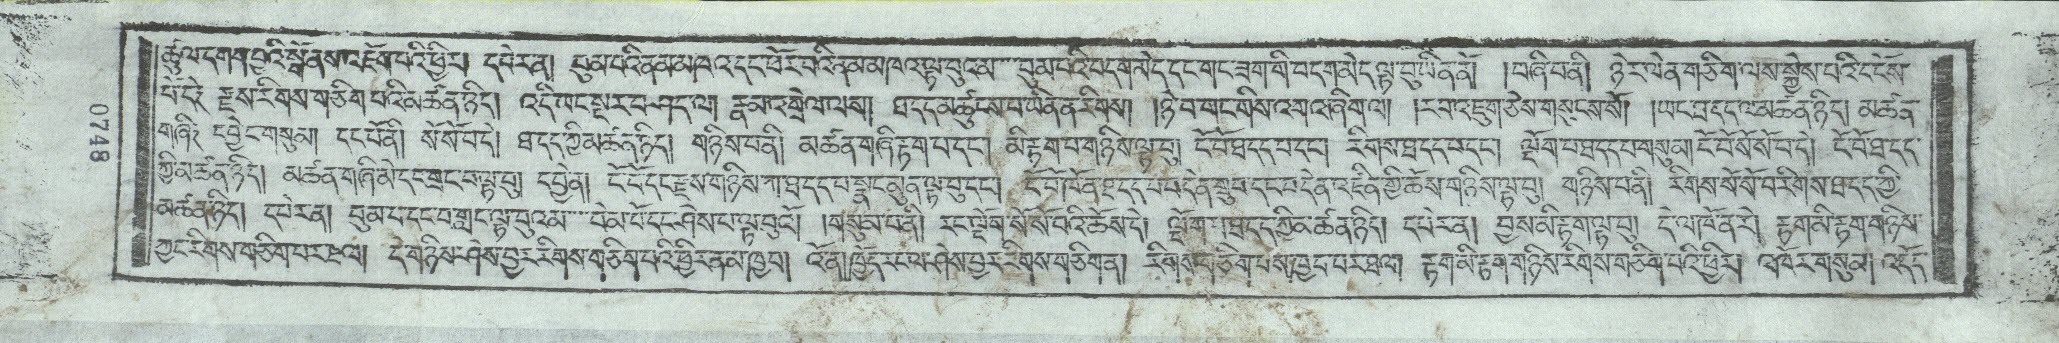ཚུལ་དགག་བྱའི་སྒོ་ནས་འཇོག་པའི་ཕྱིར། དཔེར་ན། བུམ་པའི་ནམ་མཁའ་དང་ཕོར་བའི་ནམ་མཁའ་ལྟ་བུའམ་བུམ་པའི་བདག་མེད་དང་གང་ཟག་གི་བདག་མེད་ལྟ་བུ་ཡིན་ནོ། །བཞི་བ་ནི། ཉེར་ལེན་གཅིག་ལས་སྐྱེས་པའི་དངོས་
པོ་དེ༑ རྫས་རིགས་གཅིག་པའི་མཚན་ཉིད། འདི་ཡང་སྔར་བཤད་ལ། རྣམ་འགྲེལ་ལས། ཐ་དད་མཚུངས་པ་ཡིན་ན་རིགས། །ཉེ་བ་གང་གིས་འགའ་ཞིག་ལ། །རབ་འཇུག་ཅེས་གསུངས་སོ། །ཡང་ཐ་དད་ལ་མཚན་ཉིད། མཚན་
གཞི༑ དབྱེ་བ་གསུམ། དང་པོ་ནི། སོ་སོ་བ་དེ། ཐ་དད་ཀྱི་མཚན་ཉིད། གཉིས་པ་ནི། མཚན་གཞི་རྟག་པ་དང་། མི་རྟག་པ་གཉིས་ལྟ་བུ། ངོ་བོ་ཐ་དད་པ་དང་། རིགས་ཐ་དད་པ་དང་། ལྡོག་པ་ཐ་དད་པ་གསུམ། ངོ་བོ་སོ་སོ་བ་དེ། ངོ་བོ་ཐ་དད་
ཀྱི་མཚན་ཉིད། མཚན་གཞི་མེ་དང་གྲང་བ་ལྟ་བུ། དབྱེ་ན། ངོ་བོ་དང་རྫས་གཉིས་ཀ་ཐ་དད་པ་སྣང་མུན་ལྟ་བུ་དང་། ངོ་བོ་ཁོ་ན་ཐ་དད་པ་བདེན་གྲུབ་དང་བདེན་འཛིན་གྱི་ཆོས་གཉིས་ལྟ་བུ། གཉིས་པ་ནི། རིགས་སོ་སོ་བ་རིགས་ཐ་དད་ཀྱི་
མཚན་ཉིད། དཔེར་ན། བུམ་པ་དང་བ་གླང་ལྟ་བུའམ་བེམ་པོ་དང་ཤེས་པ་ལྟ་བུའོ། །གསུམ་པ་ནི། རང་ལྡོག་སོ་སོ་བའི་ཆོས་དེ། ལྡོག་ཐ་དད་ཀྱི་མཚན་ཉིད། དཔེར་ན། བྱས་མི་རྟག་ལྟ་བུ། དེ་ལ་ཁོ་ན་རེ། རྟག་མི་རྟག་གཉིས་
ཀྱང་རིགས་གཅིག་པར་ཐལ། དེ་གཉིས་ཤེས་བྱར་རིགས་གཅིག་པའི་ཕྱིར་ན་མ་ཁྱབ། འོ་ན། ཁྱོད་རང་ལ་ཤེས་བྱར་རིགས་གཅིག་ན། རིགས་གཅིག་པས་ཁྱབ་པར་ཐལ། རྟག་མི་རྟག་གཉིས་རིགས་གཅིག་པའི་ཕྱིར། འཁོར་གསུམ། འདོད་